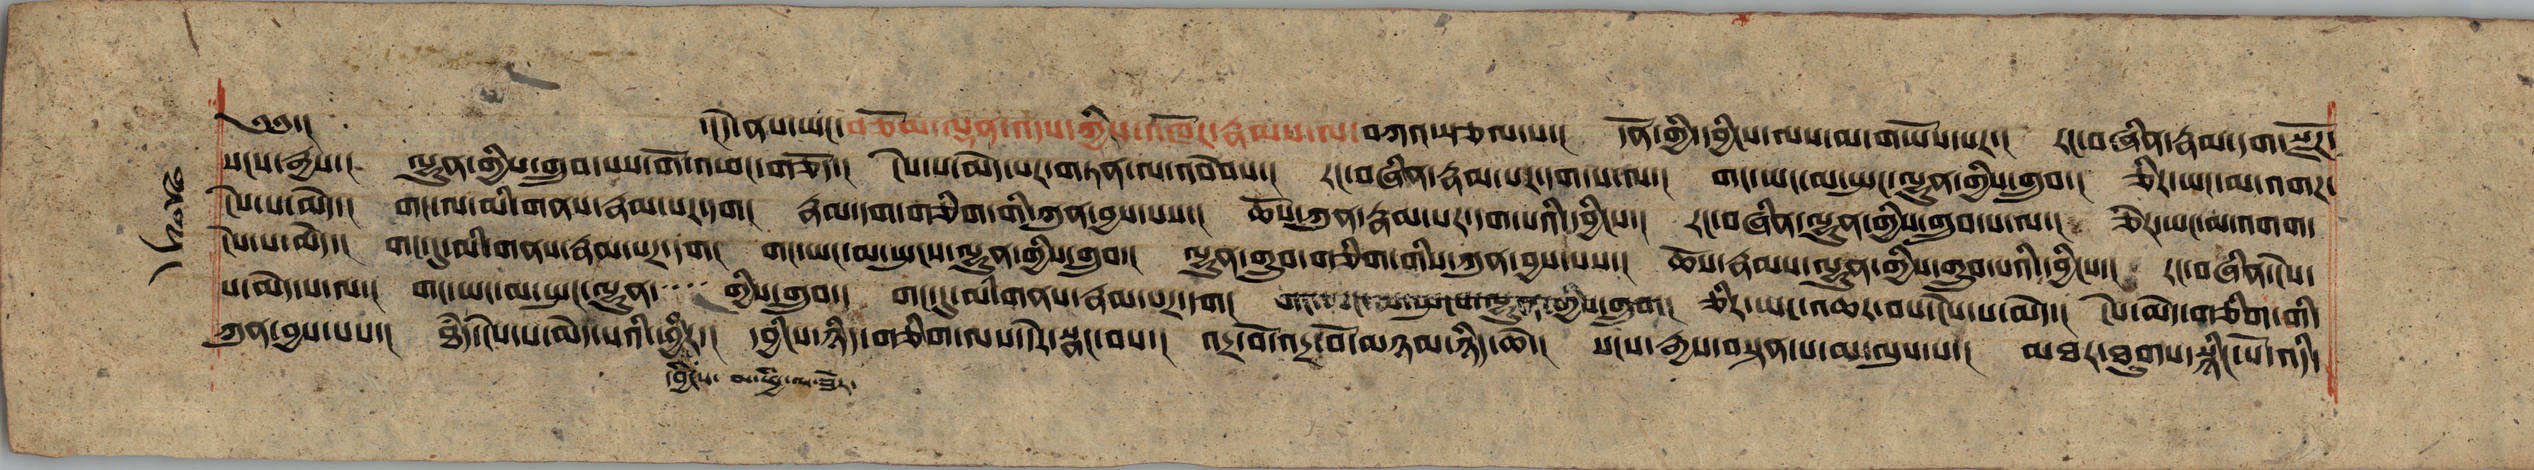༄༅་། ་།དེ་ནས་ཡང་བཅོམ་ལྡན་འདས་གྱིས་འཁོར་རྣམས་ལ་བཀའ་སྩལ་པ་། དོན་གྱི་དབྱིངས་ལས་མ་གཡོས་པར་། རང་བཞིན་རྣམ་དག་སྫོཌ་
སངས་རྒྱས་། ལྷུན་གྱིས་གྲུབ་པས་གོ་འཕང་གཅོད་། ངེས་པ་མེད་པར་གཏན་ལ་འབེབས་། རང་བཞིན་རྣམ་པར་དག་པ་ལ་། གང་ཡང་མ་སྤང་ལྷུན་གྱིས་གྲུབ་། ཅིར་ཡང་མ་འགཌ་
ངེས་པ་མེད་། གང་ལ་མི་གནས་རྣམ་པར་དག། རྣམ་དག་གཅིག་གི་ཀུན་བྱས་པས་། ཆོས་ཀུན་རྣམ་པར་དག་པའི་དབྱིངས་། རང་བཞིན་ལྷུན་གྱིས་གྲུབ་པ་ལ་། ཅིར་ཡང་མ་འགག་
ངེས་པ་མེད་། གང་དུ་མི་གནས་རྣམ་པར་དག། གང་ཡང་མ་སྤངས་ལྷུན་གྱིས་གྲུབ་། ལྷུན་གྲུབ་གཅིག་གིས་ཀུན་བྱས་པས་། ཆོས་རྣམས་ལྷུན་གྱིས་གྲུབ་པའི་དབྱིངས་། རང་བཞིན་ངེས་
པ་མེད་པ་ལ་། གང་ཡང་མ་སྤང་ལྷུན་་་་གྱིས་གྲུབ་། གང་དུ་མི་གནས་རྣམ་པར་དག། གང་ཡང་མ་སྤངས་ལྷུན་གྱིས་གྲུབ་། ཅིར་ཡང་འཆར་བས་ངེས་པ་མེད་། ངེས་མེད་གཅིག་གི་
ཀུན་བྱས་པས་། ཐཾད་ངེས་པ་མེད་པའི་ཕྱིར་། དབྱིངས་ཉིད་གཅིག་ལས་དེར་སྣང་བས་། འདྲ་བོ་འདྲ་བོ་མཉམ་ཉིད་ཆེ་། སངས་རྒྱས་བསྟན་པ་མ་ལུས་པ་། མཐར་ཐུགས་སྙིང་པོ་འདི་